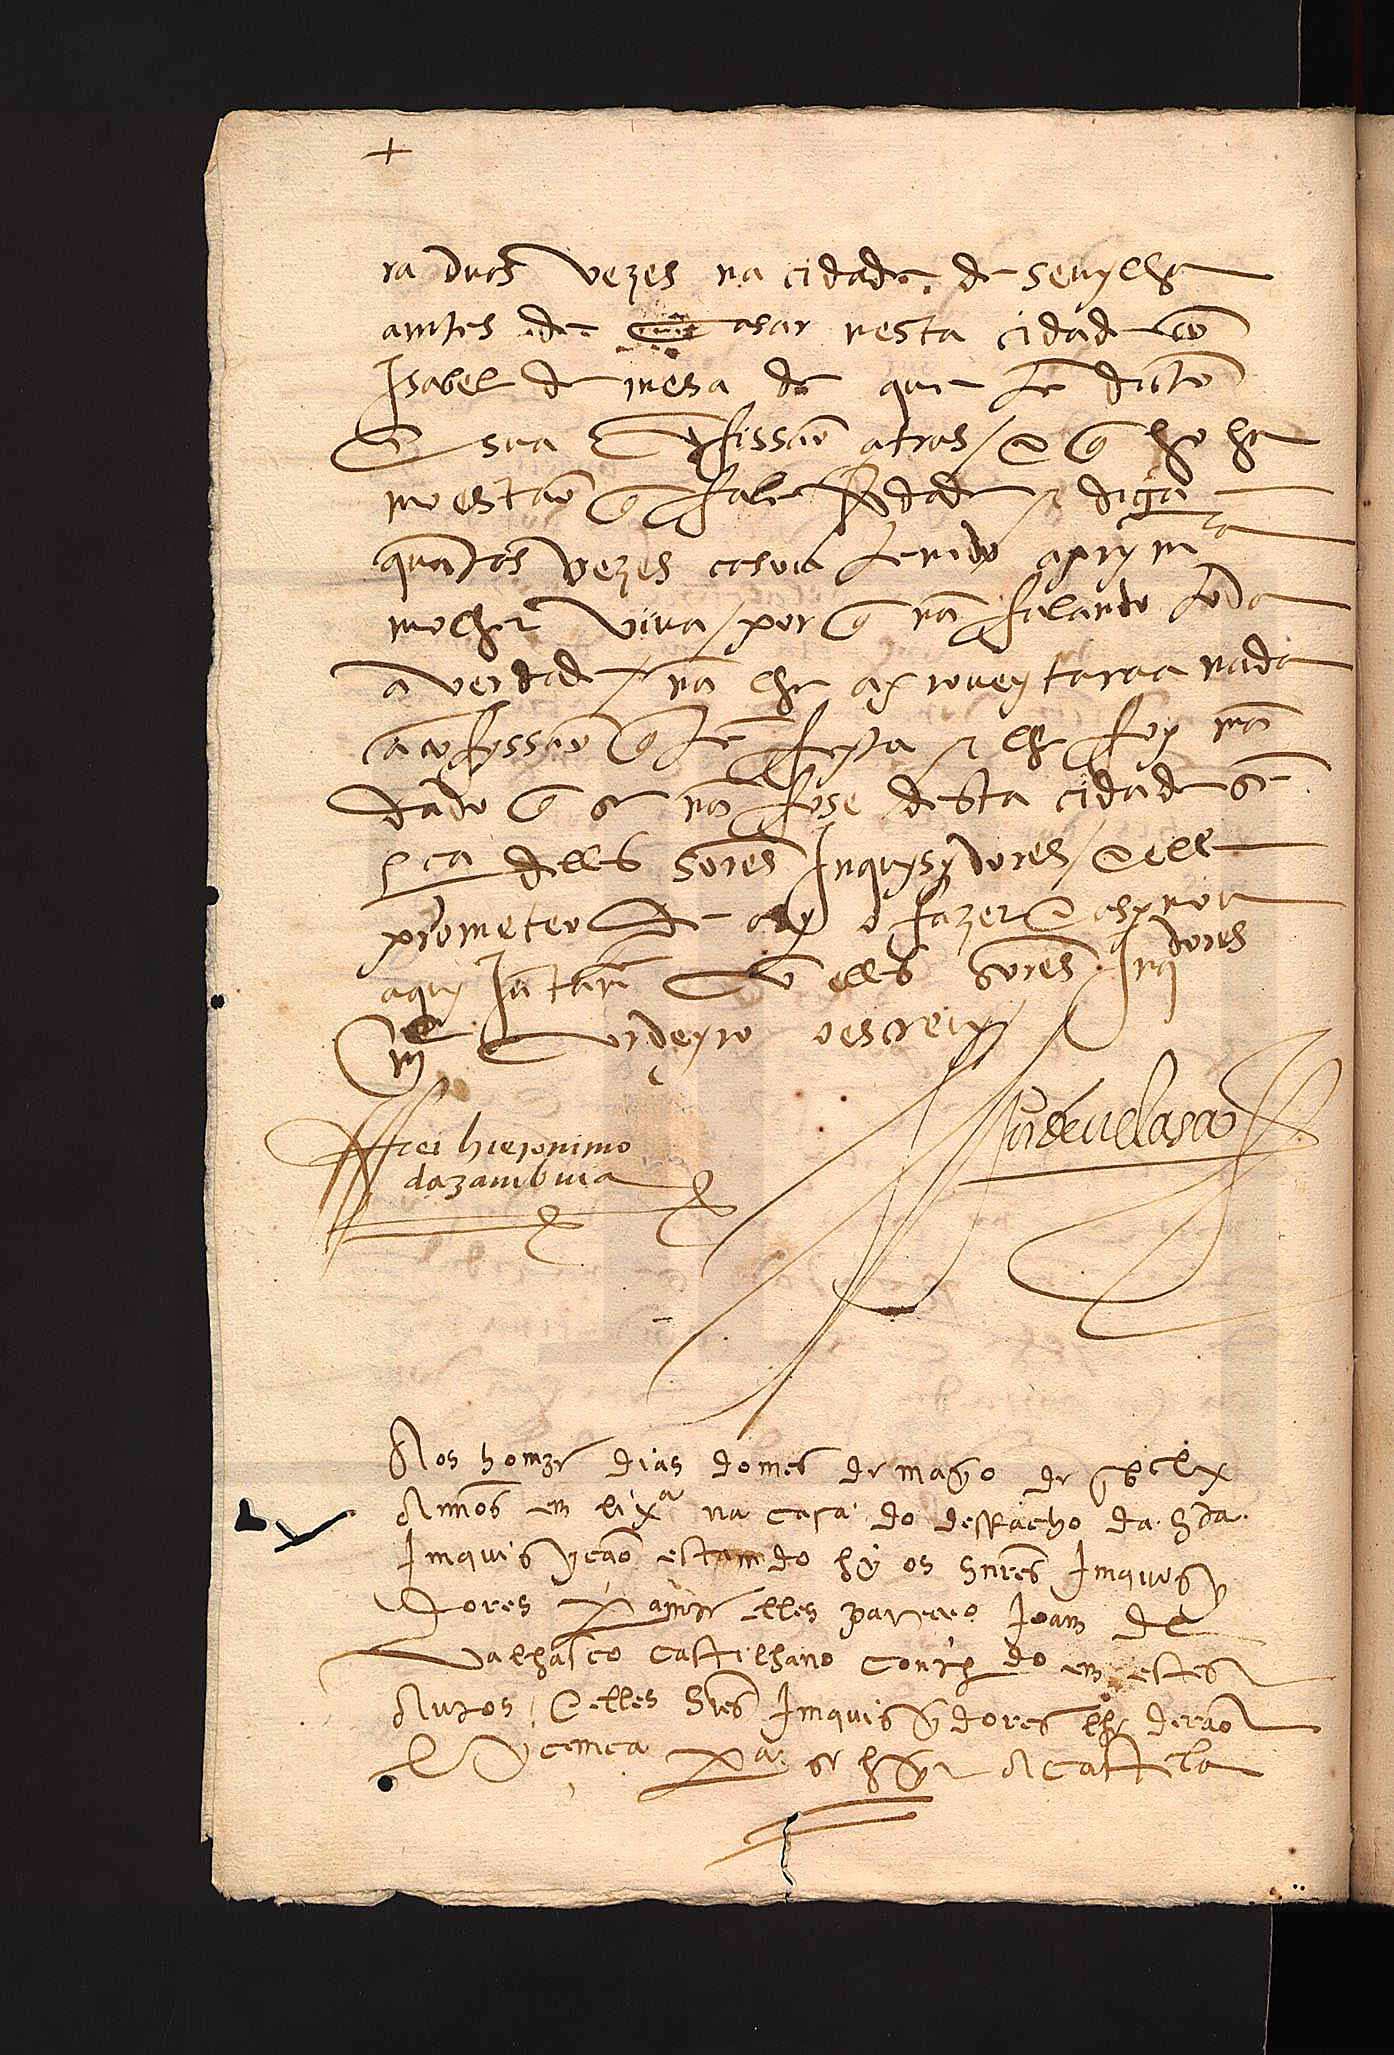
ra duas vezes na cidade de seuylha
amtes de Casar nesta cidade cō
Jsabel de mesa de que tē dīcto
ē sua cōfissão atras / e q̄ ho ha
moestão q̄ fale ꝟdade e diga
quātas vezes casou temdo / a prymra
molher viua / porq̄ nā falando toda
a verdade / nā lhe aproueytaraa nada
a cōfissão q̄ tē feyta e lhe foy mā
dado q̄ se nā fose desta cidade sē
Lça delles s̄ores Jnquysydores / e elle
prometeo de asy o fazer e asynou
aquy Jūtamte Cō elles s̄ores Jnqdores
mel Cordeyro o escreuy
Jū de uelasco
Frei hieronimo
dazambuia
Aos homze dias do mes de mayo de jbc lx
Ann̄os em lixa na casa do despacho da Sta.
Jmquisyção estamdo hy os snr̄es Jmquisy
dores ꝑamte elles pareceo Joam de
Valhasco castilhano conthdo em estes
Autos / e elles sr̄es Jmquisydores lhe derão
lycemça ꝑa se hyr A castela
